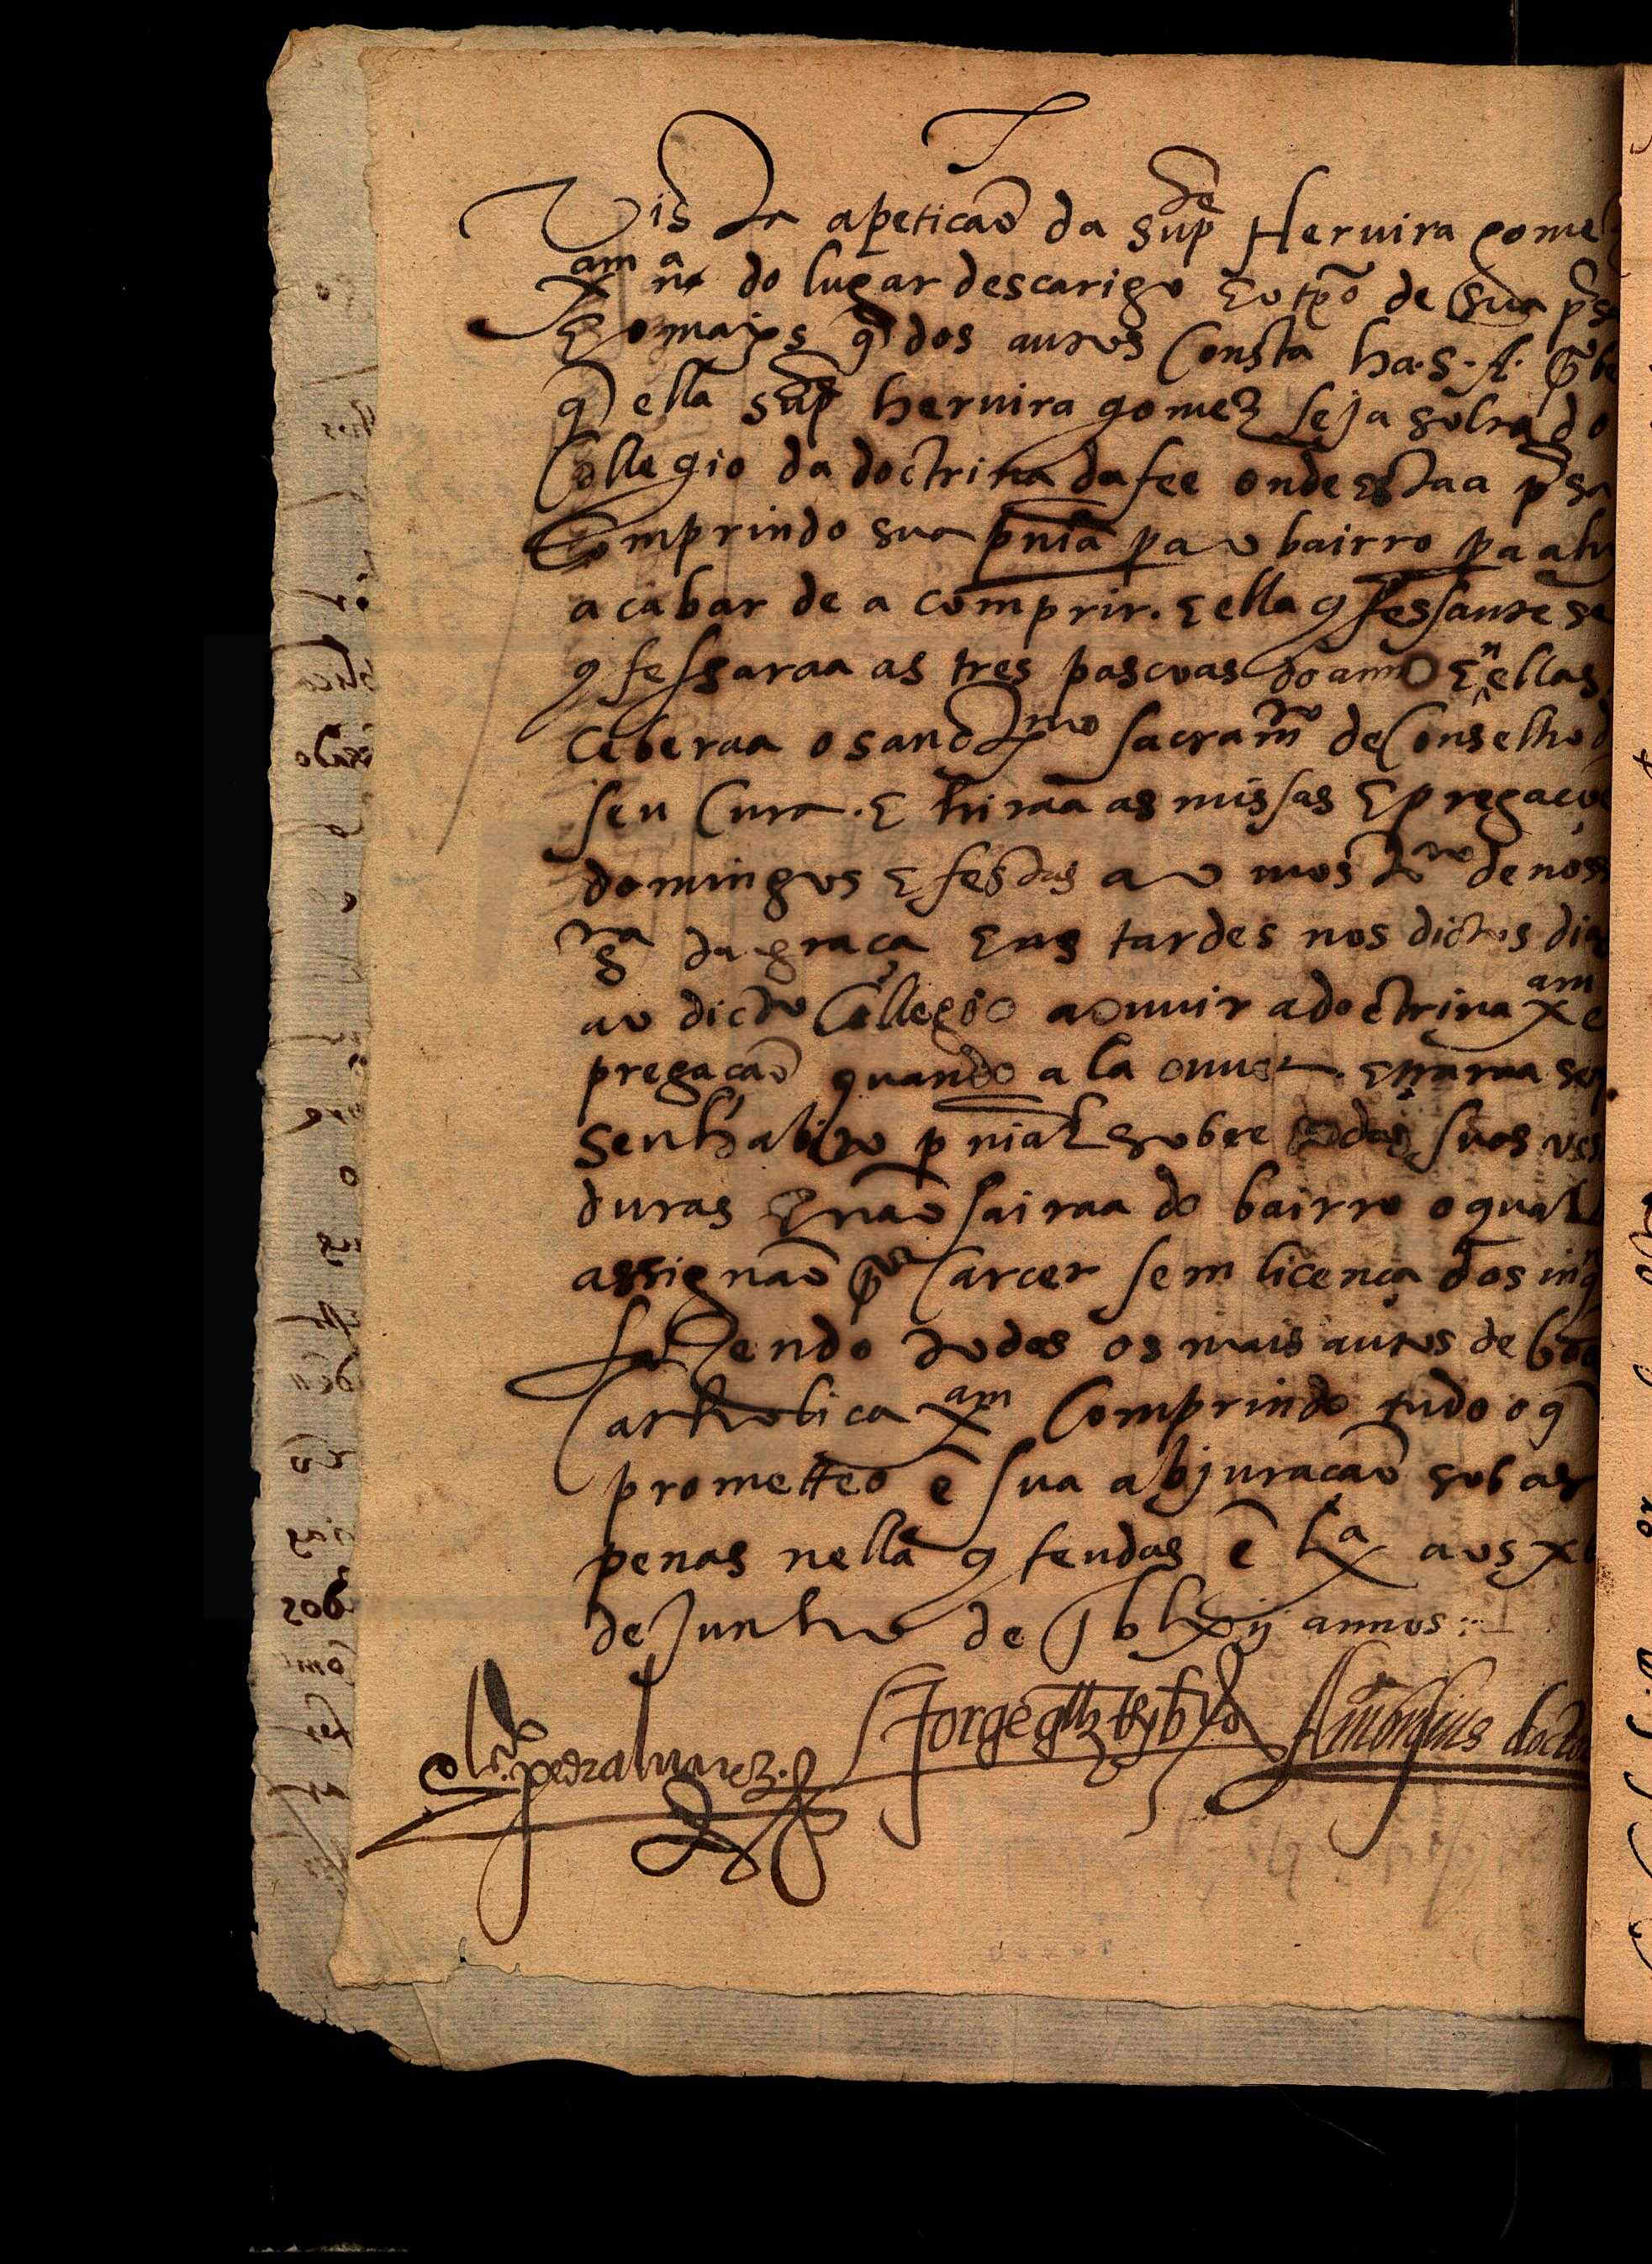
Vista a peticaõ da Supte Heruira gomez
Xam nao do lugar descarigo E o tpō de sua p̄s
E o mays q̄ dos autos Consta ha .S. A. p̄o be
q̄ ella supte heruira gomez seja solta do
Collegio da doctrina da fee onde Estaa p̄sa
Comprindo sua pn̄ia ꝑa o bairro ꝑa ahy
acabar de a comprir E ella ꝯfessante se
ꝯfessaraa as tres pascoas do ann_ E nellas
caberaa o sanctꝭmo Sacramto de Conselho
seu Cura. E hiraa as missas E pregaço
domingos E festas ao mostro de nos
Sra da graça E as tardes nos dictos dia
ao dicto Collegio a ouuir a doctrina Xam e
pregaçaõ quando a la ouuer E traraa se
Seu habito pn̄iaL sobre _das suas ve
duras E não sairaa do bairro o qual
assignão p̄o Carcer sem licença dos inq
fazendo todos os mais autos de bo
Catholica Xam Comprindo tudo o q̄
prometteo ē sua abjuração sob as
penas nella ꝯteudas ē LXa aos x
de Junho de j̄ blxij annos
